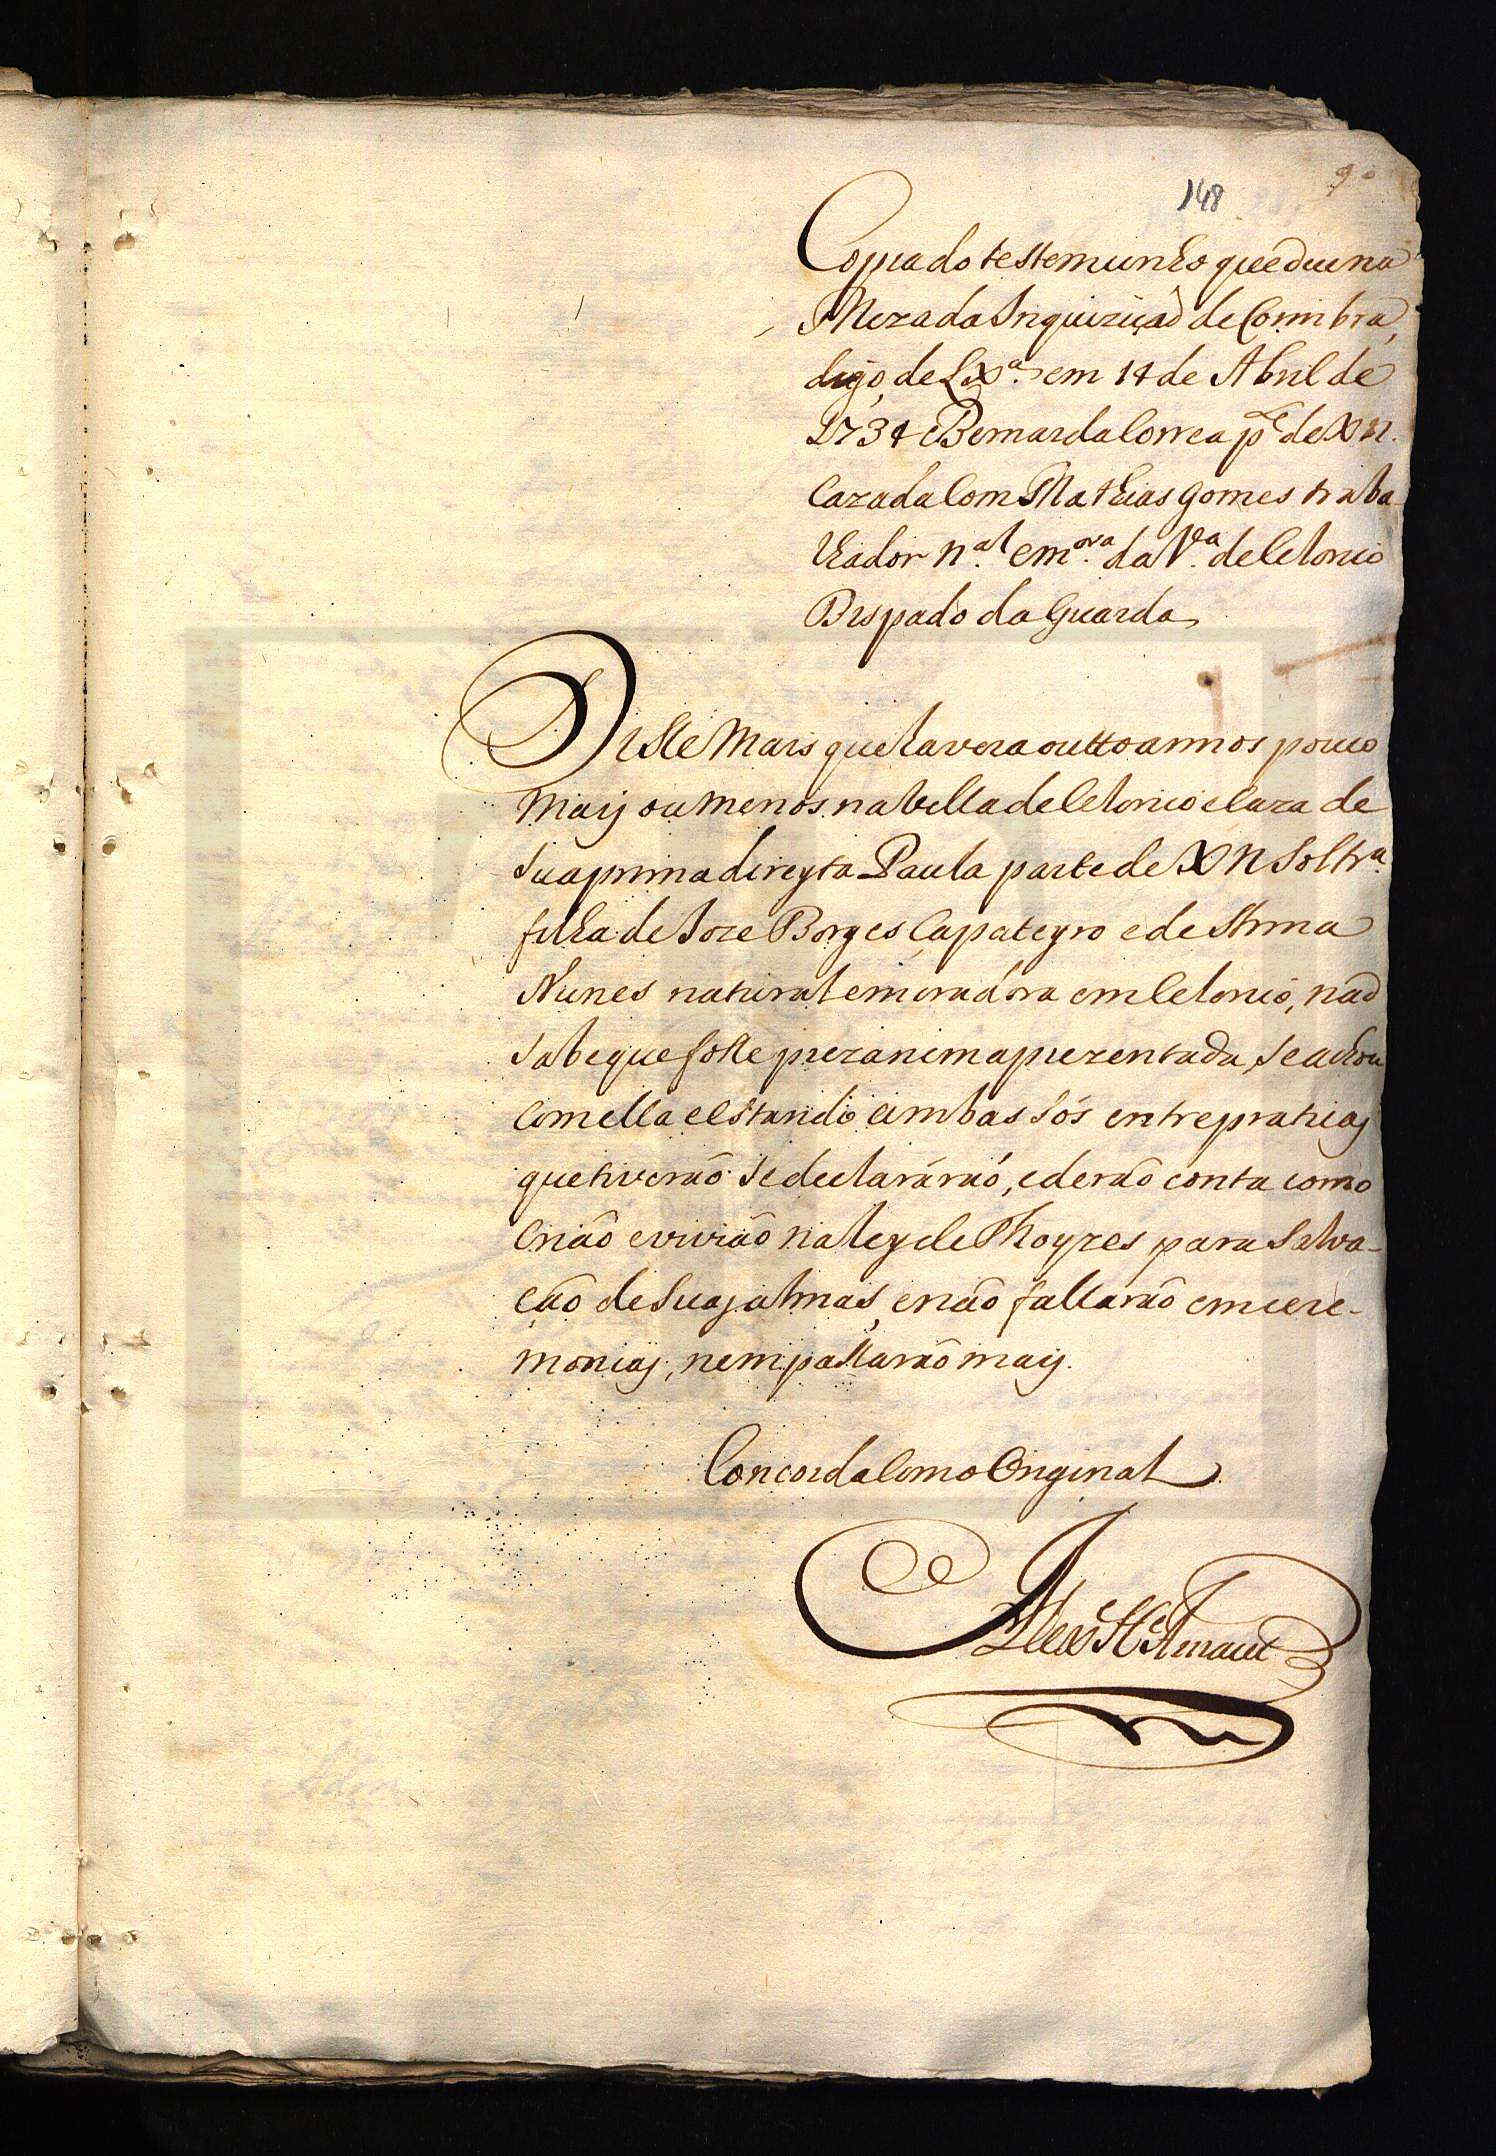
90
Copiado testemunho que deu na
Meza da Inquiziçaõ de Coimbra,
digo, de Lx.a em 14 de Abril de
1734 Bernarda Correa pte de XN.
Cazada Com Mathias gomes traba
lhador n.al e m.ora da V.a de Celorico
Bispado da Guarda
Disse mais que havera outto annos pouco
mais ou menos na Villa de Celorico e Caza de
sua prima direyta Paula parte de XN soltr.a
filha de Ioze Borges Çapateyro e de Anna
Nunes natural e moradora em Celorico, naõ
sabe que fosse preza nem aprezentada, se achou
com ella e estando ambas sós entre praticas
que tiveraõ se declaráraõ, e deraõ conta como
crião e viviaõ na ley de Moyzes para salva
çaõ de Suas almas, e naõ fallaraõ em cere
monias, nem passaraõ mais.
Concorda Com o OriginaL
ALex e He Arnaut
